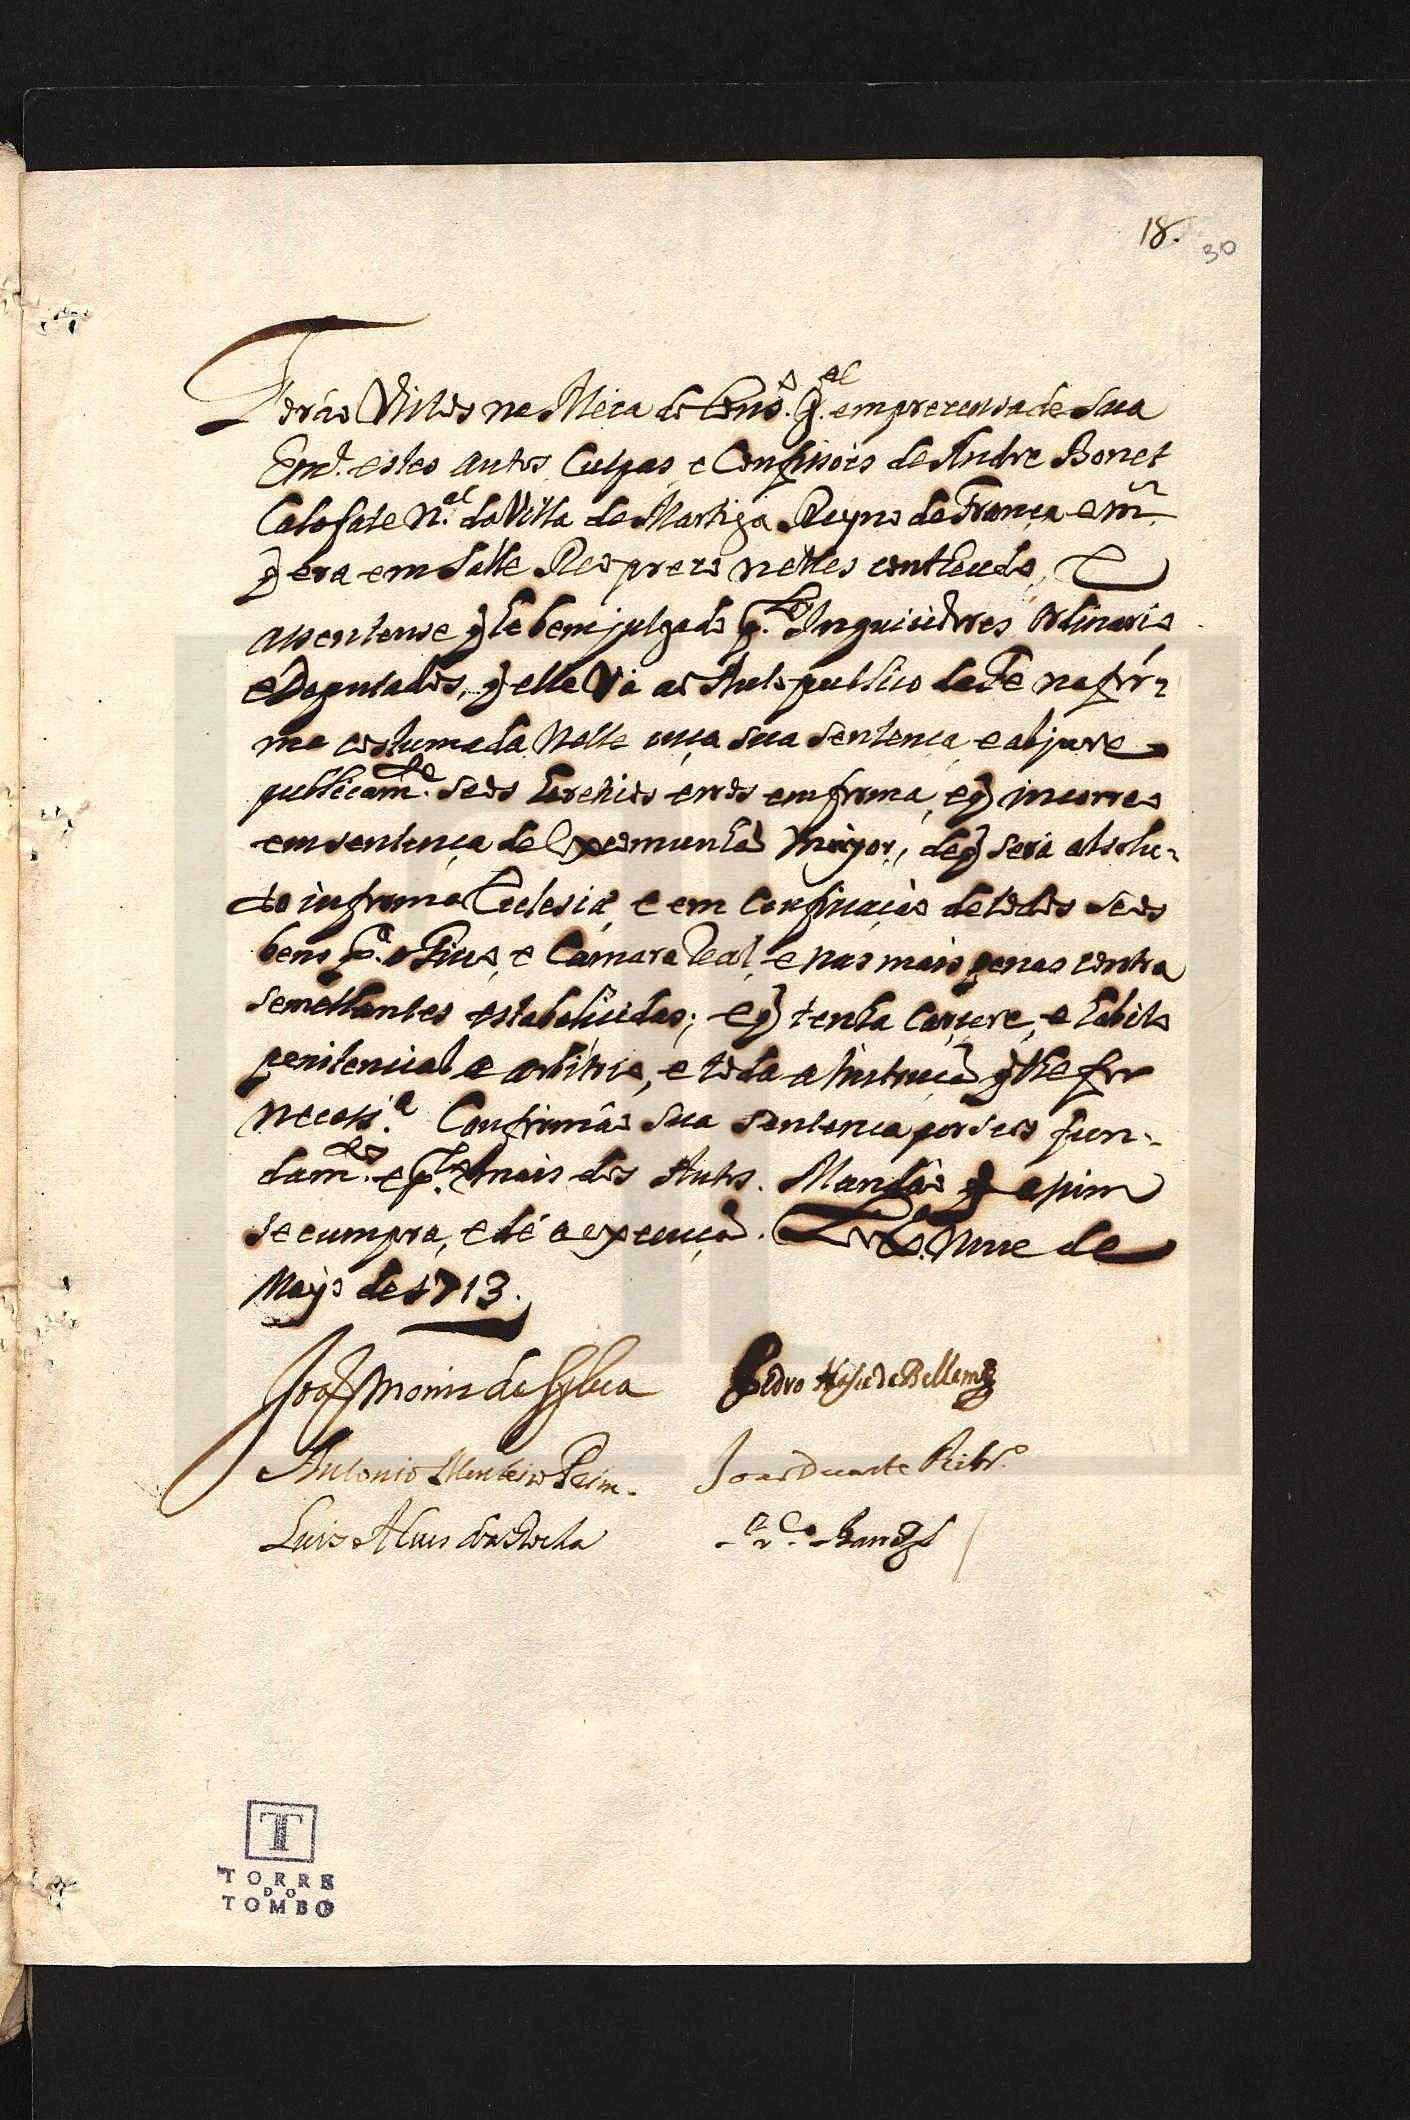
Forão Vistos na Meza do Cons.o G.al em prezensa de sua
Em.a estes autos, Culpas, e Confissoes de Andre Bonet
Calafate n.al da Villa de Martiga Reyno de França e m.or
q̄ era em Salle Reo prezo, nelles contheudo, E
assentouse q̄ he bem julgado p.Los Inquisidores Ordinario
e Deputados, q̄ elle Va ao Auto publico da Fe na for
ma costumada nelle ouça sua sentença, e abjure
publicam.te seos hereticos erros em forma, e q̄ incorreo
em sentença de Excomunhaõ mayor, de q̄ sera absolu
to in froma Ecclesiæ, e em confiscaçaõ de todos seos
bens p.a o Fisco, e Camara Real, e nas mais penas contra
semelhantes estabelicidas; e q̄ tenha carcere, e habito
penitencial e arbitrio, e toda a Instruçaõ q̄ lhe for
necess.a Confirmaõ sua sentença por seos fun
dam.tos e p.Lo mais dos Autos. Mandão q̄ assim
se cumpra, e dé a execuçaõ. Lix.a noue de
Mayo de 1713.
Pedro Hasse de Bellem
Joaõ moniz da sylua
Ioaõ Duarte Ribr.o
Antonio Monteiro Paim.
Fr.co Barreto
Luis Alues da Rocha
